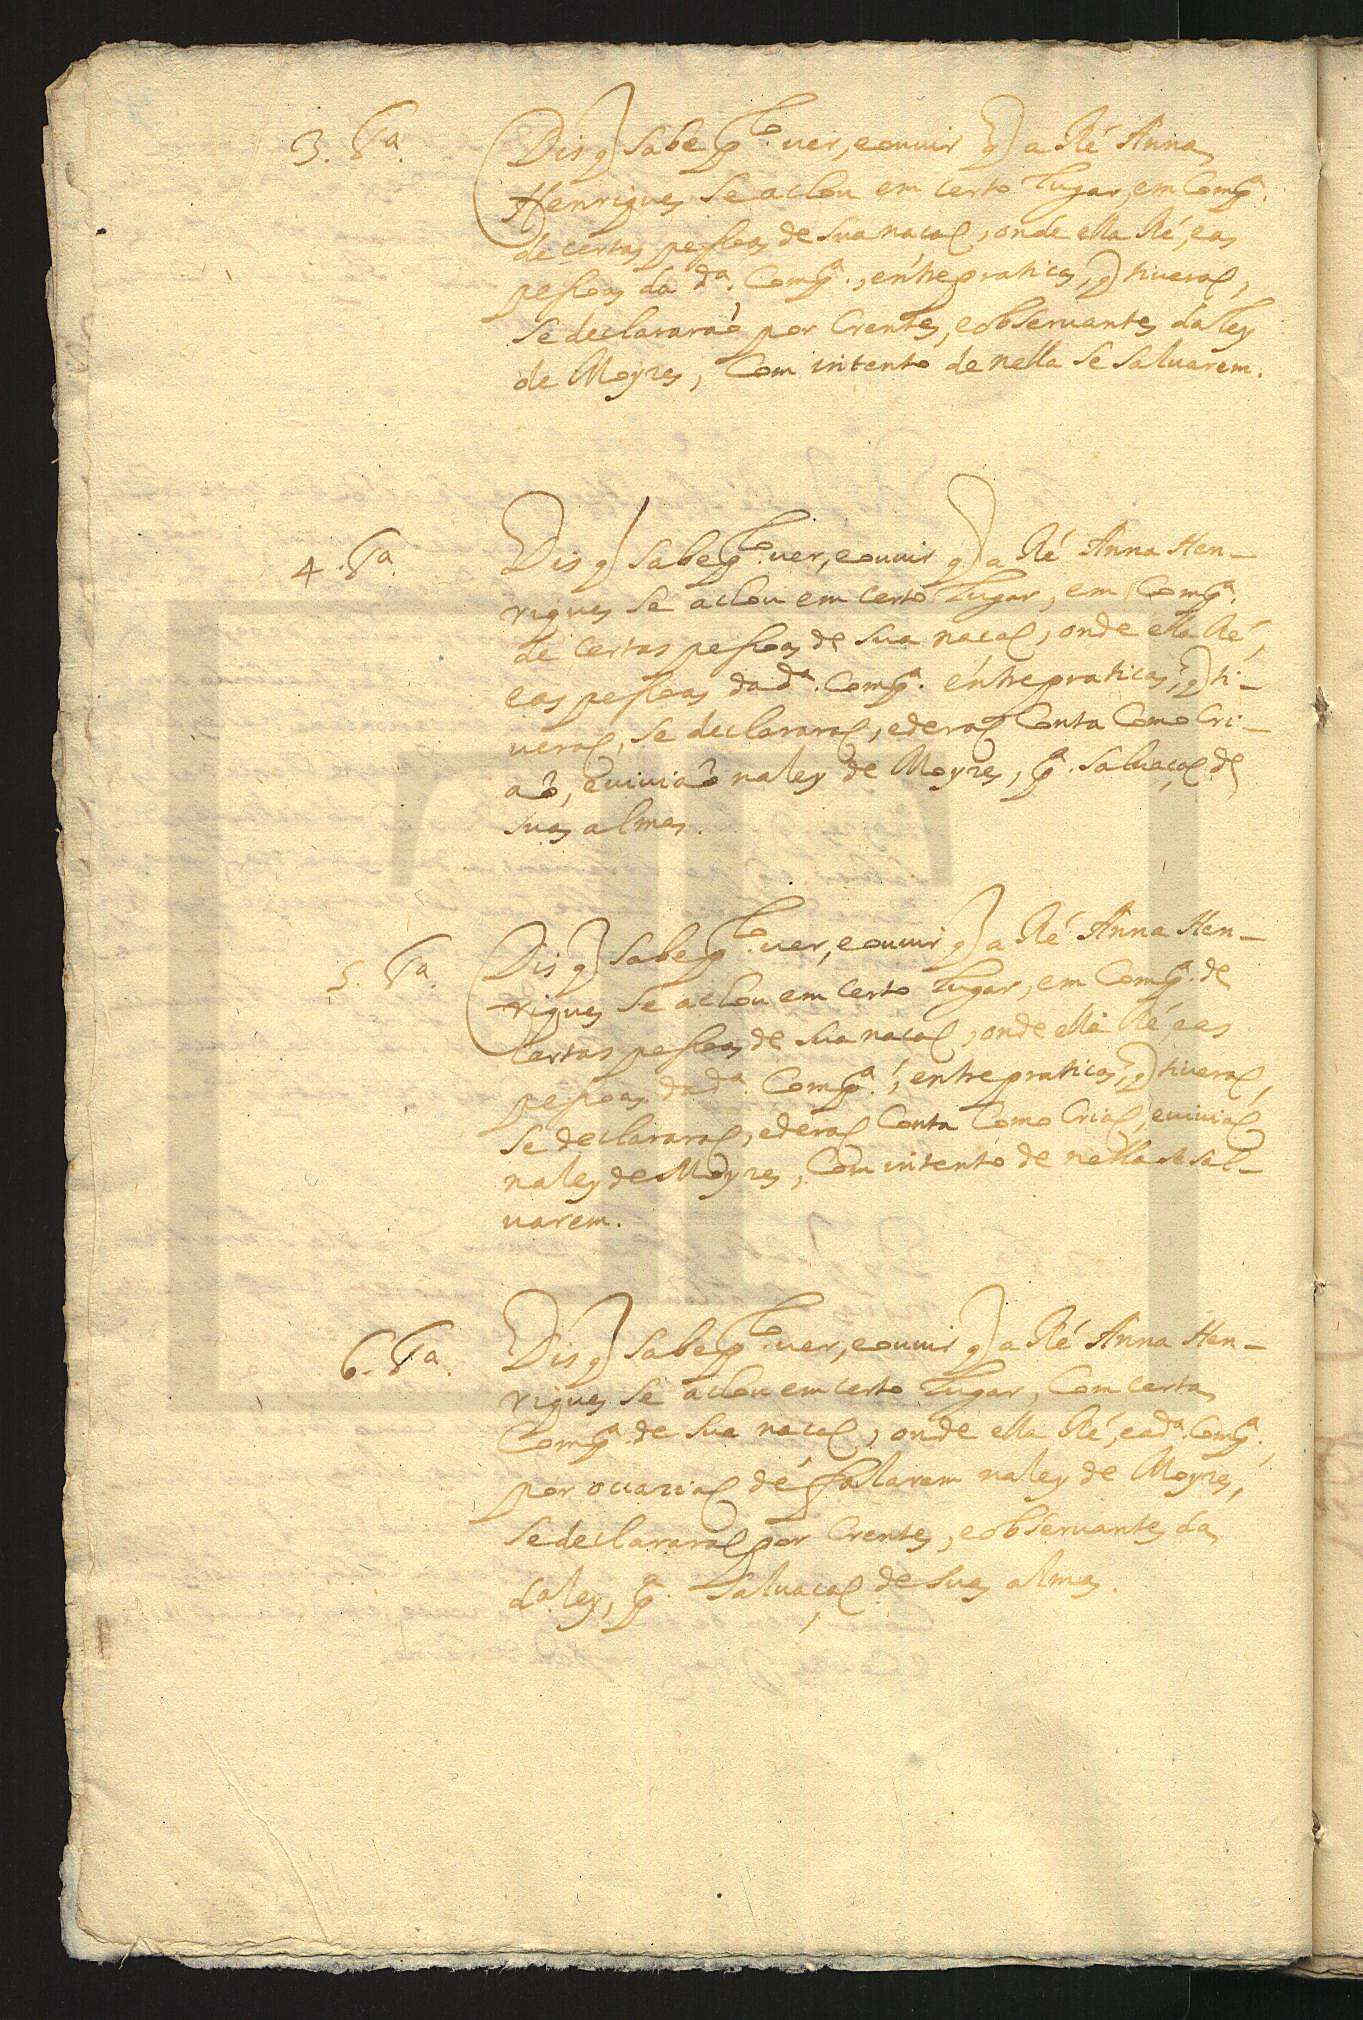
3. Ta.
Dis q̄ sabe p.lo uer, e ouuir q̄ a Ré Anna
Henriques se achou em certo lugar, em comp.a
de certas pessoas de sua naçā, onde ella Ré, e as
pessoas da da. Comp.a, entre praticas, q̄ tiuerā
se declararaõ por Crentes, e obseruantes da ley
de Moyzes, Com intento de nella se saluarem.
4. Ta.
Dis q̄ sabe plo. uer, e ouuir q̄ a Ré Anna Hen
riques se achou em certo Lugar, em Compa.
de certas pessoas de sua naçā, onde ella Re,
e as pessoas da d.a comp.a entre praticas, q̄ ti
uerā, se declararā, e derā Conta Como Cri
aõ, e uiuiaõ na ley de Moyzes, pa saluaçā de
suas almas.
5. Ta.
Dis q̄ sabe plo. uer, e ouuir q̄ a Ré Anna Hen
riques se achou em certo lugar, em Comp.a de
certas pessoas de sua naçā, onde ella Ré, e as
pessoas da d.a Comp.a, entre praticas, q̄ tiuerā
se declararā, e derā Conta Como Criā, e uiuiā
na ley de Moyzes, Com intento de nella se sal
uarem.
6.Ta
Dis q̄ sabe p.lo uer, e ouuir q̄ a Ré Anna Hen
riques se achou em certo Lugar, Com certa
Comp de sua naçā, onde ella Ré, e a d.a Comp.a
por occaziā de falarem na ley de Moyzes,
se declararā por Crentes, e obseruantes da
da ley, p.a saluaçā de suas almas
